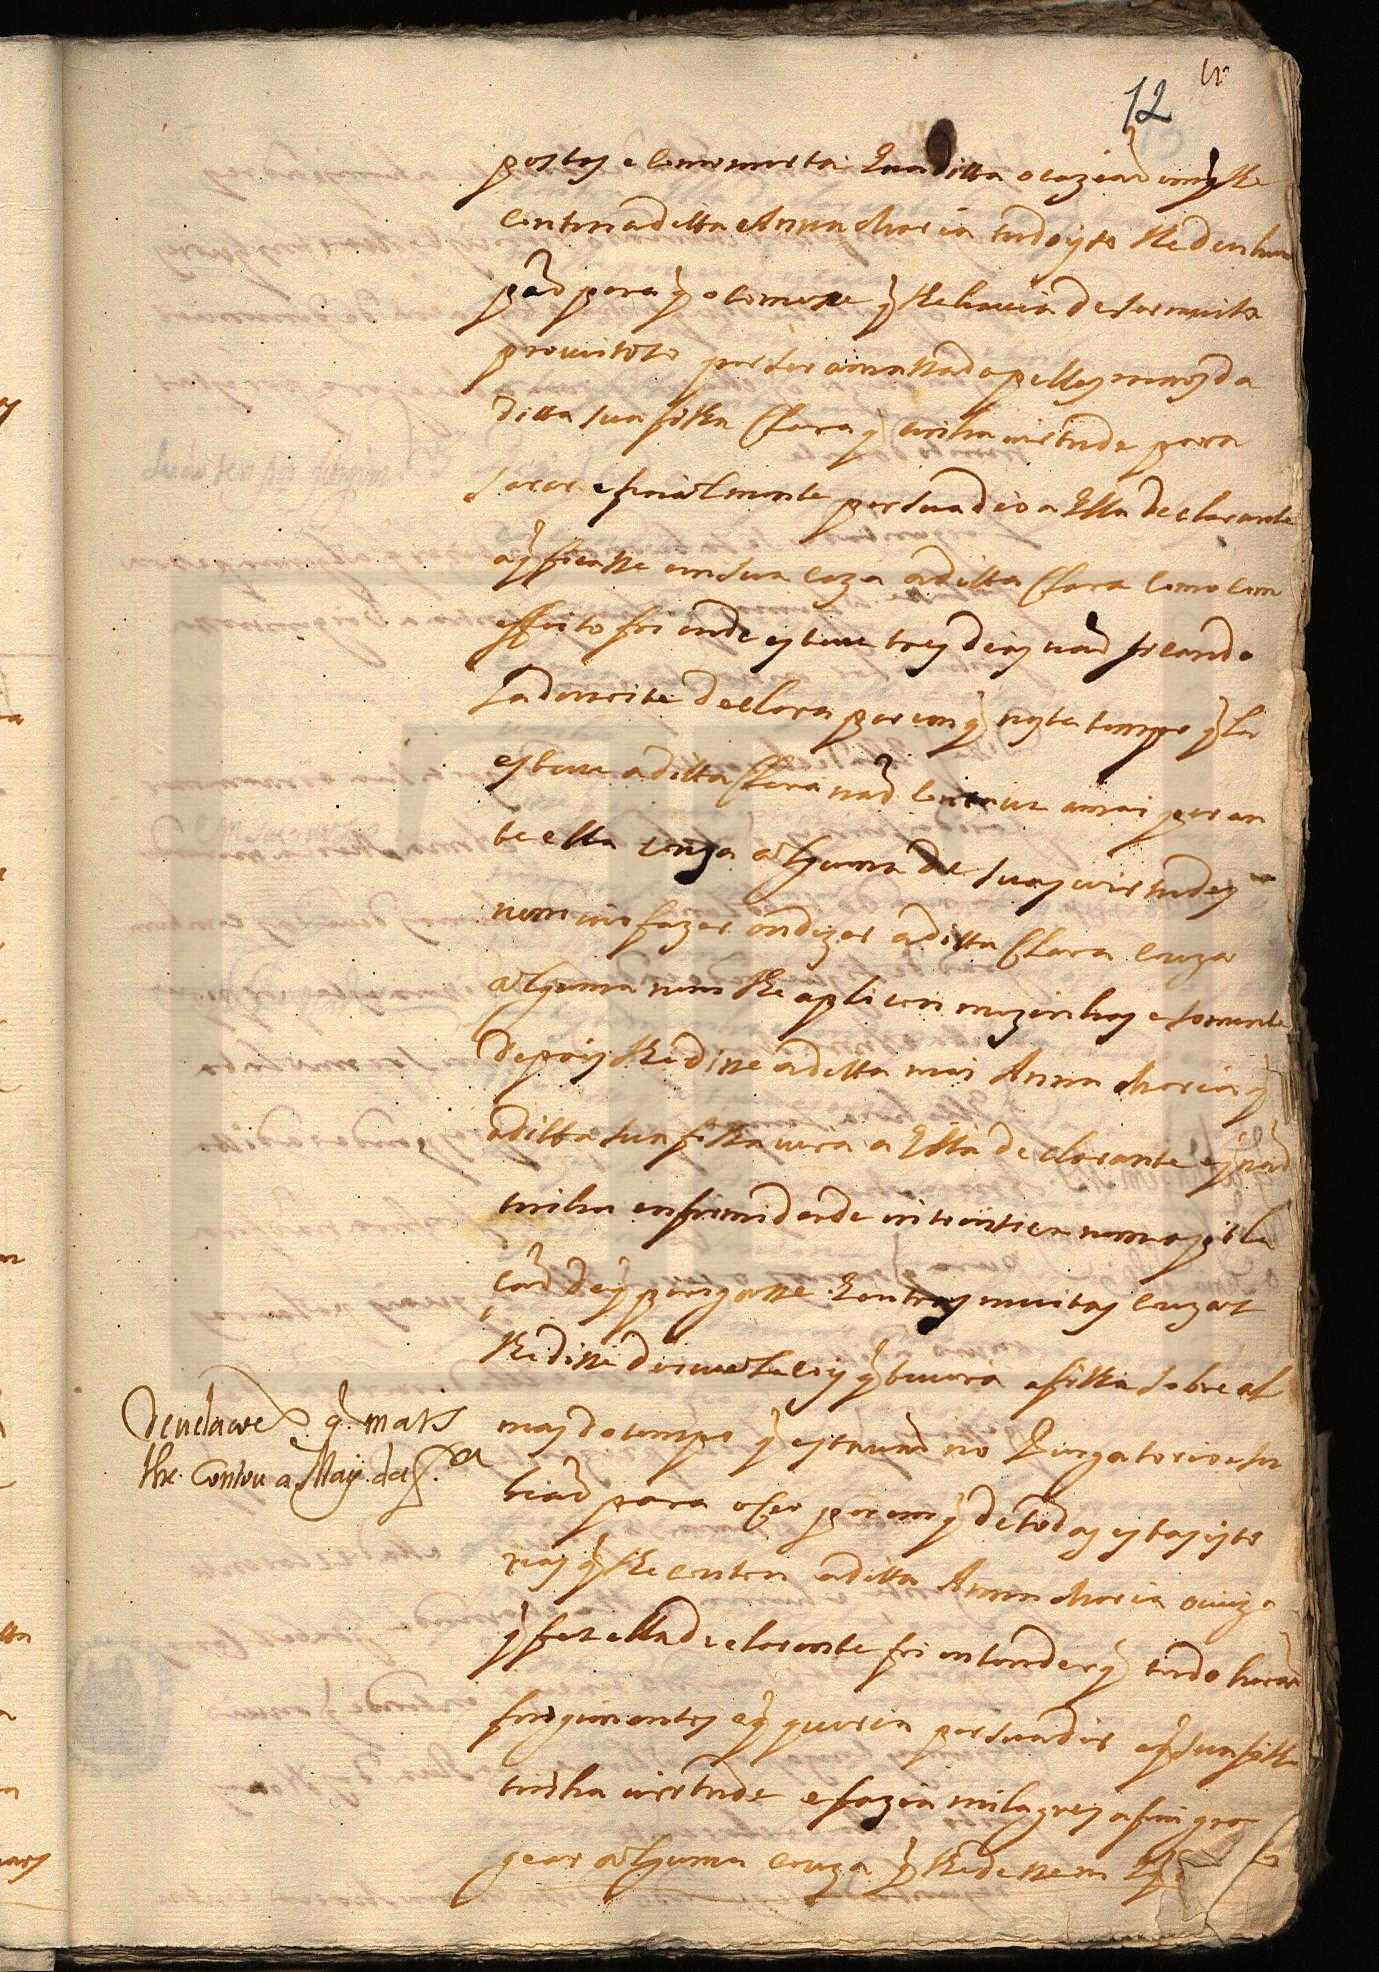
postas e como morta E na ditta ocaziaõ em q̄ lhe
contou a ditta Anna Maria tudo jsto lhe deu hum
paõ pera q̄ o comesse q̄ lhe havia de ser muito
proveitozo por ser amassado pellas maos da
ditta sua filha Clara q̄ tinha virtude para
sarar e finalmente persuadio a Ella declarante
a q̄ ficasse em sua caza a ditta Clara como com
effeito foi onde esteue tres dias naõ ficando
la de noite declara porem q̄ neste tempo q̄ la
esteue a ditta Clara naõ contaua a mai peran
te ella couza alguma de suas uirtudes
nem uio fazer ou dizer a ditta Clara couza
alguma nem lhe aplicou mezinhas e somente
depois lhe disse a ditta mai Anna Maria q̄
a ditta sua filha vira a Ella declatante q̄ naõ
tinha enfermidade intrentica nem apola
çaõ de q̄ perigasse. E outras muitas couzas
lhe disse disuaelacois q̄ tiuera a filha sobre al
mas do tempo q̄ estavaõ no Purgatorio e su
biaõ para o Ceo porem q̄ de todas estas isto
rias q̄ lhe contou a ditta Anna Maria ouuja
q̄ fez ella declarante foi entender q̄ tudo heraõ
fingimentos e q̄ queria persuadir a q̄ sua filha
tinha virtude e fazia milagres afim gra
gear alguma couza q̄ lhe dessem e q̄ o
